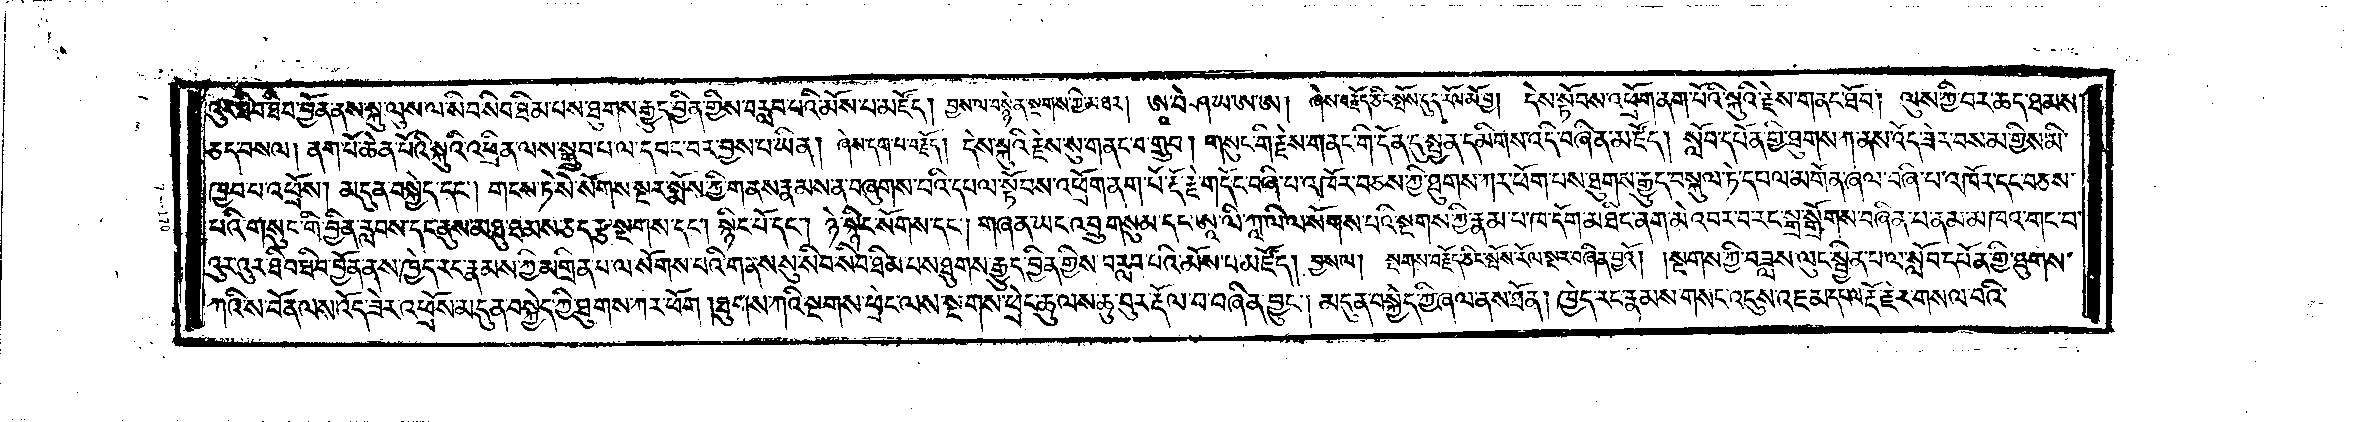འུར་ཐིབ་ཐིབ་བྱོན་ནས་སྐུ་ལུས་ལ་སིབ་སིབ་ཐིམ་པས་ཐུགས་རྒྱུད་བྱིན་གྱིས་བརླབ་པའི་མོས་པ་མཛོད། བྱས་ལ་བསྙེན་སྔགས་ཀྱི་མཐར།  ཨཱ་བེ་ཤ་ཡ་ཨ་ཨ། ཞེས་བརྗོད་ཅིང་སྤོས་དུད་རོལ་མོ་བྱ།  དེས་སྟོབས་འཕྲོག་ནག་པོའི་སྐུའི་རྗེས་གནང་ཐོབ། ལུས་ཀྱི་བར་ཆད་ཐམས་
ཅད་བསལ། ནག་པོ་ཆེན་པོའི་སྐུའི་འཕྲིན་ལས་སྒྲུབ་པ་ལ་དབང་པར་བྱས་པ་ཡིན། ཞེས་དག་པ་བརྗོད།  དེས་སྐུའི་རྗེས་སུ་གནང་བ་གྲུབ། གསུང་གི་རྗེས་གནང་དི་དོན་དུ་སྤྱན་དམིགས་འདི་བཞིན་མཛོད། སློབ་དཔོན་གྱི་ཐུགས་ཀ་ནས་འོད་ཟེར་བསམ་གྱིས་མི་
ཁྱབ་པ་འཕྲོས། མདུན་བསྐྱེད་དང་། གངས་ཏེ་སེ་སོགས་སྔར་སྨོས་ཀྱི་གནས་རྣམས་ན་བཞུགས་པའི་དཔལ་སྟོབས་འཕྲོག་ནག་པོ་རྡོ་རྗེ་གདོང་བཞི་པ་འཁོར་བཅས་ཀྱི་ཐུགས་ཀར་ཕོག་པས་ཐུགས་རྒྱུད་བསྐུལ་ཏེ་དཔལ་མགོན་ཞལ་བཞི་པ་འཁོར་དང་བཅས་
པའི་གསུང་གི་བྱིན་རླབས་དང་ནུས་མཐུ་ཐམས་ཅད་རྩ་སྔགས་དང་། སྙིང་པོ་དང་། ཉེ་སྙིང་སོགས་དང་། གཞན་ཡང་འབྲུ་གསུམ་དང་ཨཱ་ལི་ཀཱ་ལི་སོགས་པའི་སྔགས་ཀྱི་རྣམ་པ་ཁ་དོག་མཐིང་ནག་མེ་འབར་བ་རང་སྒྲ་སྒྲོགས་བཞིན་པ་ནམ་མཁའ་གང་བ་
འུར་འུར་ཐིབ་ཐིབ་བྱོན་ནས་ཁྱེད་རང་རྣམས་ཀྱི་མགྲིན་པ་ལ་སོགས་པའི་གནས་སུ་སིབ་སིབ་ཐིམ་པས་ཐུགས་རྒྱུད་བྱིན་གྱིས་བརླབ་པའི་མོས་པ་མཛོད། བྱས་ལ། སྔགས་བརྗོད་ཅིང་སྤོས་རོལ་སྔར་བཞིན་བྱའོ།  །སྔགས་ཀྱི་བཟླས་ལུང་སྦྱིན་པ་ལ་སློབ་དཔོན་གྱི་ཐུགས་
ཀའི་ས་བོན་ལས་འོད་ཟེར་འཕྲོས་མདུན་བསྐྱེད་ཀྱི་ཐུགས་ཀར་ཕོག །ཐུགས་ཀའི་སྔགས་ཕྲེང་ལས་སྔགས་ཕྲེང་ཆུ་ལས་ཆུ་བུར་རྡོལ་བ་བཞིན་བྱུང་། མདུན་བསྐྱེད་ཀྱི་ཞལ་ནས་ཐོན། ཁྱེད་རང་རྣམས་གསང་འདུས་འཇམ་དཔལ་རྡོ་རྗེར་གསལ་བའི་